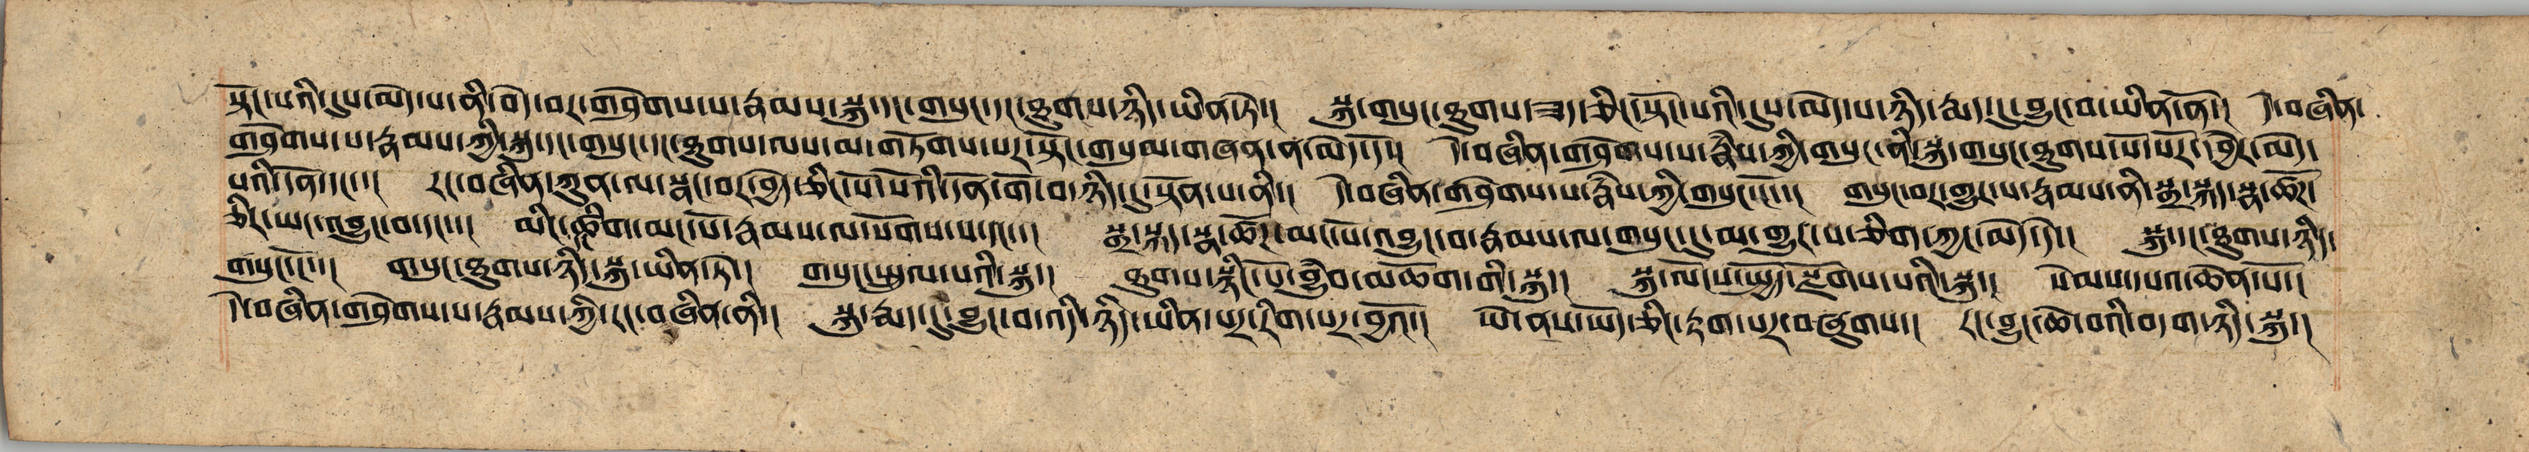སྟོང་པའི་དུས་མེད་པ་ནི་བདེ་བར་གཤེགས་པ་རྣམས་སྐུ་དང་གསུང་དང་ཐུགས་ཉིད་ཡིན་ཏེ་།། སྐུ་གསུང་ཐུགས་ཟད་ཅིང་སྟོང་པའི་དུས་མེད་པ་ཉིད་རྨད་དུ་བྱུང་བ་ཡིན་ནོ་། དེ་བཞིན་
གཤེགས་པ་རྣམས་ཀྱི་སྐུ་དང་གསུང་དང་ཐུགས་ལས་མ་གཏོགས་པར་སྟོང་གསུམ་གཞན་ན་མེད་དོ་། དེ་བཞིན་གཤེགས་པ་རྣཾས་ཀྱི་གསུང་ནི་སྐུ་གསུང་ཐུགས་སོ་སོར་དབྱེར་མེད་
པའི་དོན་དང་་། རང་བཞིན་ཀུན་ལ་སྣང་བར་བྱེད་ཅིང་སོ་སོའི་དོན་གོ་བ་ཉིད་དུ་སྟོན་པ་ནི་། དེ་བཞིན་གཤེགས་པ་རྣཾས་ཀྱི་གསུང་ངོ་་། གསུང་བར་གྱུར་པ་རྣམས་ནི་སྒྲ་སྐད་སྣ་ཚོཌ་
ཅིར་ཡང་འབྱུང་བ་དང་་། མིང་དང་ཚིག་མང་པོ་རྣམས་ལ་སོགས་པ་དང་་། སྒྲ་སྐད་སྣ་ཚོཌ་མང་པོ་འབྱུང་བ་རྣམས་ལ་གསུང་དུ་མ་གྱུར་བ་ཅིག་ཀྱང་མེད་དེ་། སྐུ་དང་ཐུགས་ཉིད་
གསུང་ངོ་། གསུང་ཐུགས་ཉིད་སྐུ་ཡིན་ཏེ་། གསུང་སྤྲུལ་པའི་སྐུ་། ཐུགས་སྙིང་པོ་བྱུཾབ་མཆོག་གི་སྐུ་། སྐུ་ལོངས་སྤྱོད་སྫོགས་པའི་སྐུ་། སེམས་དཔའ་ཆེན་པོ་།
དེ་བཞིན་གཤེགས་པ་རྣམས་ཀྱི་རང་བཞིན་ནི་། སྐུ་རྨད་དུ་བྱུང་བ་འདི་ཉིད་ཡིན་པར་རིག་པར་བྱའོ་། ཡེ་ནས་ཡོད་ཅིང་རྟག་པར་བཞུགས་། རང་བྱུང་ཆེ་བའི་བདག་ཉིད་སྐུ་།